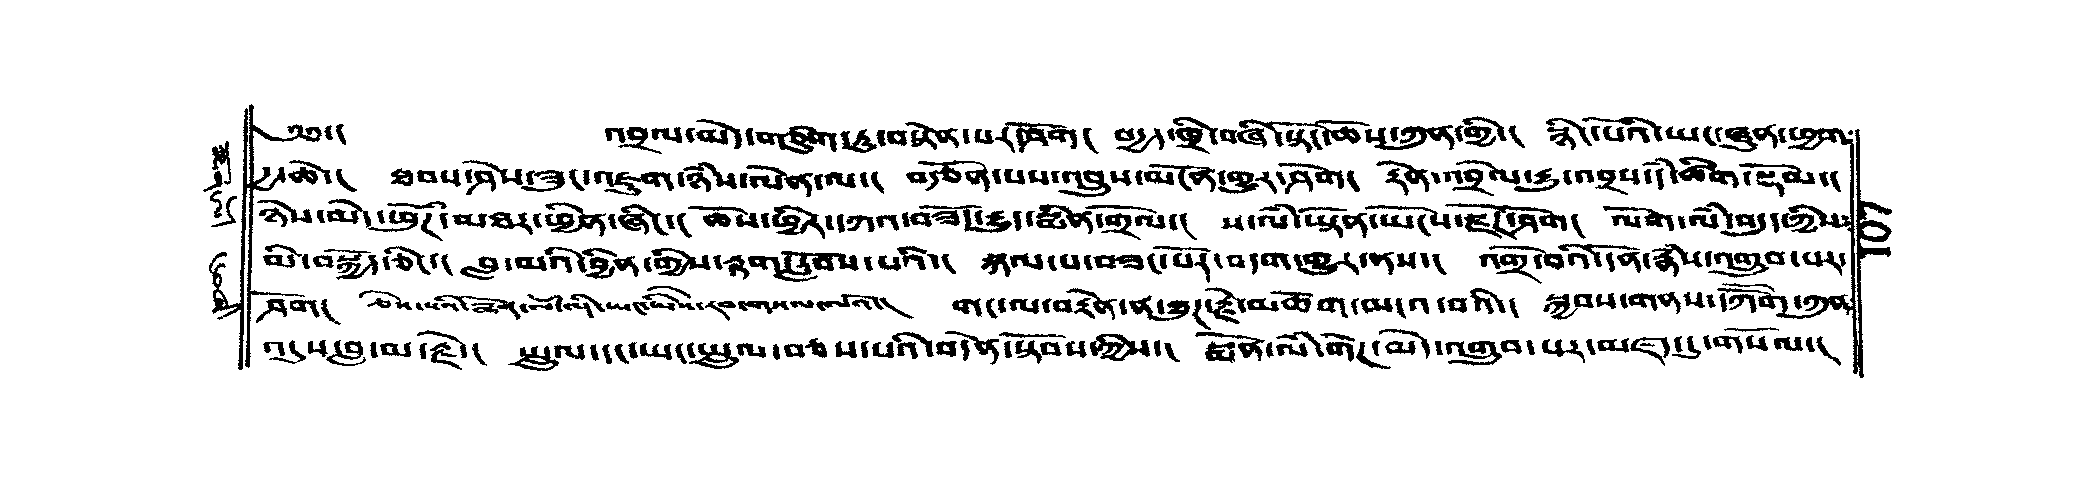།འབྲེལ་མེད་གཙུག་ཏུ་བསྟེན་པར་ཤོག །བརྒྱད་ཁྲི་བཞི་སྟོང་ཆོས་ཀུན་གྱི། །སྙིང་པོའི་ཡང་ཞུན་ཕྱག་
རྒྱ་ཆེ། །ཐབས་ཤེས་ཟུང་འཇུག་ཉམས་ལེན་ལ། །བརྩོན་པས་འབྲས་བུ་མངོན་གྱུར་ཤོག །རྟེན་འབྲེལ་རྒྱུ་འབྲས་དམ་ཚིག་སྡོམ། །
ཉེས་མེད་ཕུན་ཚོགས་མཐར་ཕྱིན་ཞིང་། །ཆོས་ཕྱིར་དཀའ་བཟོད་རྒྱུད་སྨིན་གྲོལ། །ས་ལམ་ཡོན་ཏན་ཡོངས་རྫོགས་ཤོག །ལོག་ལམ་བདུད་ཀྱིས་
མི་བསྐྱོད་ཅིང་། །བླ་མའི་བྱིན་གྱིས་རྟག་རློབས་པའི། །སྐལ་པ་བཟང་པོར་བདག་གྱུར་ནས། །འགྲོ་བའི་དོན་རྣམས་འགྲུབ་པར་
ཤོག ཅེས་པའི་སྨོན་ལམ་འདི་ཡང་ཡེ་ཤེས་རབ་གསལ་ལའོ།། གང་ལ་བརྟེན་ན་ཐུགས་རྗེ་མཆོག་མངའ་བའི་། །སྐྱབས་གནས་དཀོན་མཆོག་ཀུན་
འདུས་བླ་མ་རྗེ། །སྤྲུལ་དང་ཡང་སྤྲུལ་བཅས་པའི་བདེན་སྟོབས་ཀྱིས། །སྨོན་ལམ་གེགས་མེད་འགྲུབ་པར་མཛད་དུ་གསོལ།